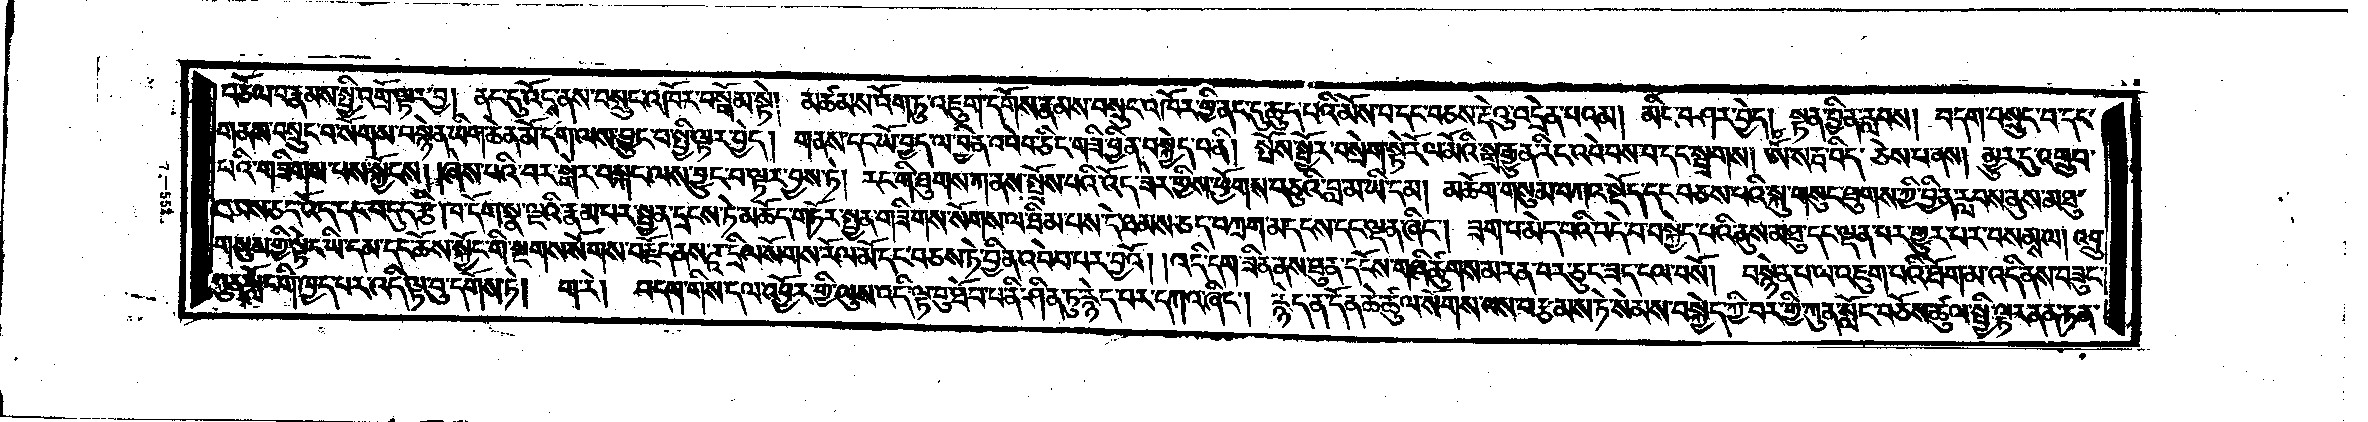བཅོལ་བ་རྣམས་སྤྱི་འགྲོ་ལྟར་བྱ། ནང་དུ་འོངས་ནས་བསྲུང་འཁོར་བསྒོམ་སྟེ། མཚམས་འོག་ཏུ་འཇུག་དགོས་རྣམས་བསྲུང་འཁོར་གྱི་ནང་དུ་ཆུད་པའི་མོས་པ་དང་བཅས་རྡེའུ་འདྲེན་པའམ། མིང་བ་ཤར་བྱེད། སྟན་བྱིན་རླབས། བདག་བསྲུང་བ་དང་
གནས་བསྲུང་བ་སོགས་བསྙེན་ཡིག་ཆེན་མོ་དག་ལས་བྱུང་བ་སྤྱི་ལྟར་བྱེད། གནས་དང་ཡོ་བྱད་ལ་བྱིན་འབེབ་ཅིང་གཟི་བྱིན་བསྐྱེད་པ་ནི། སྤོས་སྦྱོར་བསྲེག་སྟེ་རོལ་མོའི་སྒྲ་རྒྱུན་རིང་འབེབས་པ་དང་སྦྲགས། ཨོཾ་སརྦ་བིད་ཅེས་པ་ནས། མྱུར་དུ་འགྲུབ་
པའི་གཟིགས་པས་སྐྱོངས། །ཞེས་པའི་བར་སྒེར་བསྐང་ལས་བྱུང་བ་ལྟར་བྱས་ཏེ། རང་གི་ཐུགས་ཀ་ནས་སྤྲོས་པའི་འོད་ཟེར་གྱིས་ཕྱོགས་བཅུའི་བླ་མ་ཡི་དམ། མཆོག་གསུམ་བཀའ་སྡོད་དང་བཅས་པའི་སྐུ་གསུང་ཐུགས་ཀྱི་བྱིན་རླབས་ནུས་མཐུ་
ཐམས་ཅད་འོད་དང་བདུད་རྩི་ཁ་དོག་སྣ་ལྔའི་རྣམ་པར་སྤྱན་དྲངས་ཏེ་མཆོད་གཏོར་སྤྱན་གཟིགས་སོགས་ལ་ཐིམ་པས་དེ་ཐམས་ཅད་བཀྲག་མདངས་དང་ལྡན་ཞིང་། ཟག་པ་མེད་པའི་བདེ་བ་བསྐྱེད་པའི་ནུས་མཐུ་དང་ལྡན་པར་གྱུར་པར་བསམས་ལ། འབྲུ་
གསུམ་གྱི་སྟེང་ཡི་དམ་དང་ཆོས་སྐྱོང་གི་སྔགས་སོགས་བརྗོད་ནས་ཊཱ་དྲིལ་སོགས་རོལ་མོ་དང་བཅས་ཏེ་བྱིན་འབེབ་པར་བྱའོ། །འདི་དག་ཟིན་ནས་ཐུན་དངོས་གཞི་ཚུགས་མནན་པར་ཅུང་ཟད་ངལ་བསོ། བསྙེན་པ་ལ་འཇུག་པའི་ཐོག་མ་འདི་ནས་བཟུང་
ཀུན་སློང་གི་ཁྱད་པར་འདི་ལྟ་བུ་དགོས་ཏེ། ག་རེ། བདག་གིས་དལ་འབྱོར་གྱི་ལུས་འདི་ལྟ་བུ་ཐོབ་པ་ནི་ཤིན་ཏུ་རྙེད་པར་དཀའ་ཞིང་། རྙེད་ན་དོན་ཆེ་ཚུལ་སོགས་ལས་བརྩམས་ཏེ་སེམས་བསྐྱེད་ཀྱི་བར་གྱི་ཀུན་སློང་བཅོས་ཚུལ་སྤྱི་ལྟར་ནན་ཏན་